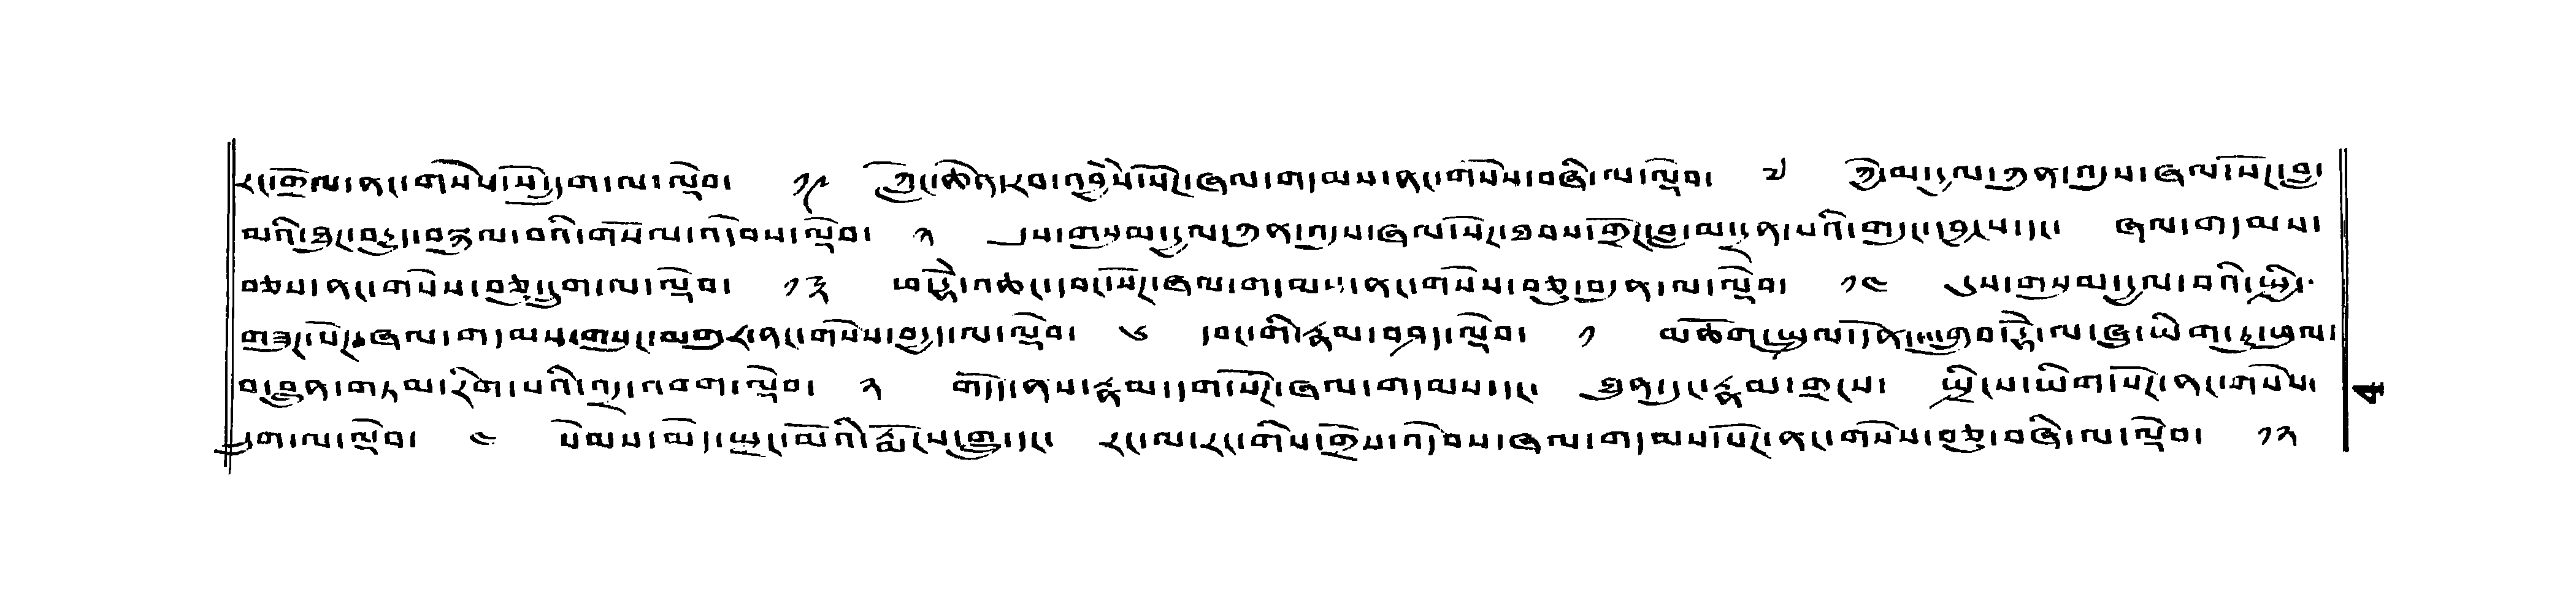རང་གྲོལ་ནང་གསེས་སོ་དྲུག་ལ་ལྡེབ། ཀློང་ཆེན་རབ་འབྱམས་སོགས་ཞལ་གདམས་ནང་གསེས་བཞི་ལ་ལྡེབ། ཀྱེ་མ་རྒྱལ་ཀུན་འདུས་ཞལ་སོགས་བླ་
མའི་ཐུགས་བརྒྱུད་བསྐུལ་བའི་གསོལ་འདེབས་ལྡེབ། དུས་གསུམ་རྒྱལ་ཀུན་འདུས་ཞལ་སོགས་ཐབས་གྲོགས་བླ་མ་དྲན་པའི་གདུང་དབྱངས་དང་། ཞལ་གདམས་
བཅས་ནང་གསེས་བཅུ་དྲུག་ལ་ལྡེབ། ཕ་རྡོ་རྗེ་འཆང་དབང་སོགས་ཞལ་གདམས་ནང་གསེས་བཅུ་བདུན་ལ་ལྡེབ། དུས་གསུམ་རྒྱལ་བའི་སྤྱི་
གཟུགས་སོགས་ཞལ་གདམས་གསུང་མགུར་ནང་གསེས་བརྒྱད་ལ་ལྡེབ། དབང་གི་རྣམ་བཤད་ལྡེབ། མཆོག་སྤྲུལ་དོན་འགྲུབ་རྡོ་རྗེ་ལ་ཞུ་ཡིག་ཏུ་ཕུལ་
བ་བླུན་གཏམ་རིག་པའི་འདྲ་འབག་ལྡེབ། གདོད་ནས་རྣམ་དག་སོགས་ཞལ་གདམས་དང་། ཐུན་དུང་རྣམ་གྲངས། སྤྲིངས་ཡིག་སོགས་ནང་གསེས་
དྲུག་ལ་ལྡེབ། སེམས་མེད་སྤྲང་མོའི་རྨོངས་གླུ་དང་། རང་ལ་རང་གིས་གྲོས་འདེབས་ཞལ་གདམས་སོགས་ནང་གསེས་བཅུ་བཞི་ལ་ལྡེབ།